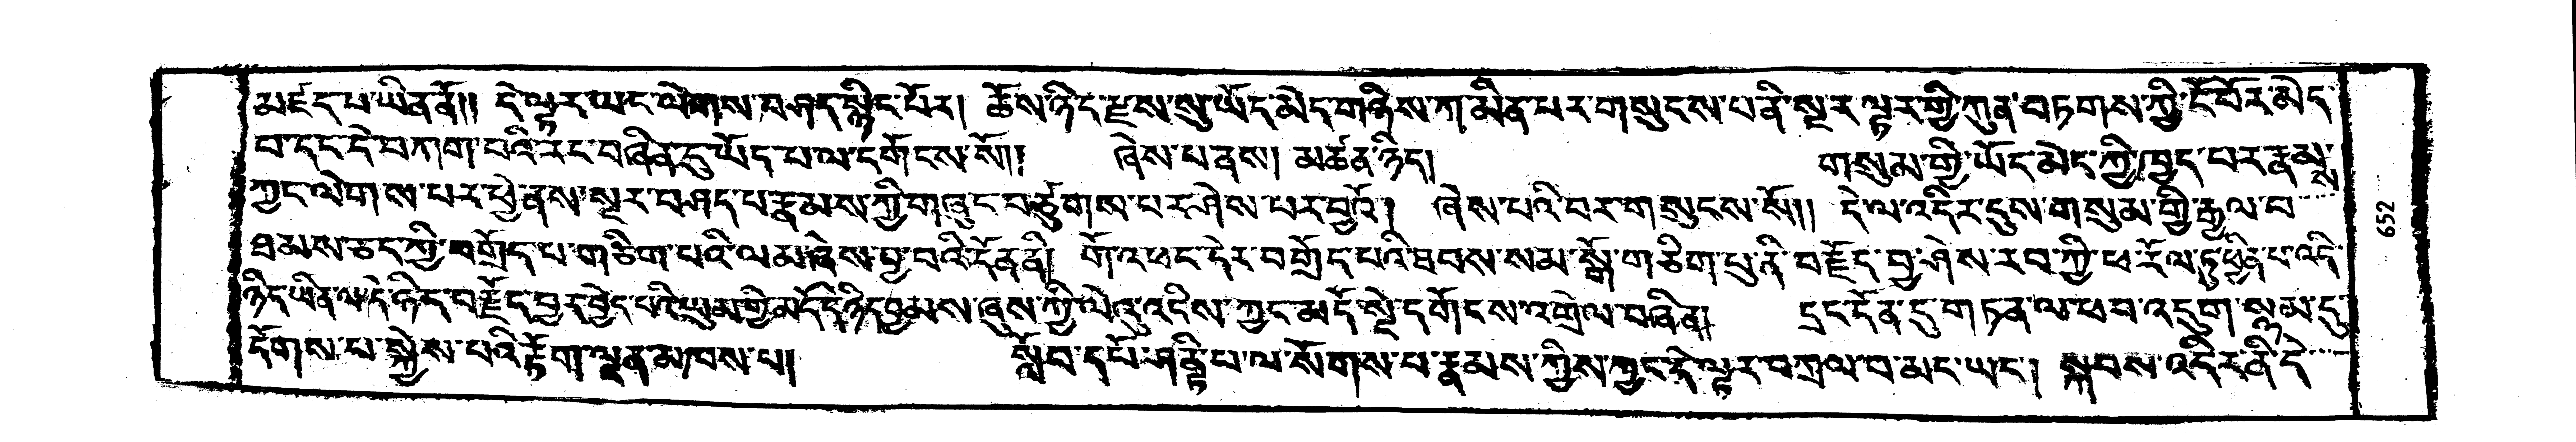མཛད་པ་ཡིན་ནོ། །དེ་ལྟར་ཡང་ལེགས་བཤད་སྙིང་པོར། ཆོས་ཉིད་རྫས་སུ་ཡོད་མེད་གཉིས་ཀ་མིན་པར་གསུངས་པ་ནི་སྔར་ལྟར་གྱི་ཀུན་བཏགས་ཀྱི་ངོ་བོར་མེད་
པ་དང་དེ་བཀག་པའི་རང་བཞིན་དུ་ཡོད་པ་ལ་དགོངས་སོ། །ཞེས་པ་ནས། མཚན་ཉིད། གསུམ་གྱི་ཡོད་མེད་ཀྱི་ཁྱད་པར་རྣམས་
ཀྱང་ལེགས་པར་ཕྱེ་ནས་སྔར་བཤད་པ་རྣམས་ཀྱི་གཞུང་བཙུགས་པར་ཤེས་པར་བྱའོ། །ཞེས་པའི་བར་གསུངས་སོ། །དེ་ལ་འདིར་དུས་གསུམ་གྱི་རྒྱལ་བ་
ཐམས་ཅད་ཀྱི་བགྲོད་པ་གཅིག་པའི་ལམ་ཞེས་བྱ་བའི་དོན་ནི། གོ་འཕང་དེར་བགྲོད་པའི་ཐབས་སམ་སྒོ་གཅིག་པུ་ནི་བརྗོད་བྱ་ཤེས་རབ་ཀྱི་ཕ་རོལ་ཏུ་ཕྱིན་པ་འདི་
ཉིད་ཡིན་ལ་དེ་ཉིད་བརྗོད་བྱར་བྱེད་པའི་ཡུམ་གྱི་མདོ་དེ་ཉིད་བྱམས་ཞུས་ཀྱི་ལེའུ་འདིས་ཀྱང་མདོ་སྡེ་དགོངས་འགྲེལ་བཞིན། དྲང་དོན་དུ་གཏན་ལ་ཕབ་འདུག་སྙམ་དུ་
དོགས་པ་སྐྱེས་པའི་རྟོག་ལྡན་མཁས་པ། སློབ་དཔོན་ཤནྟི་པ་ལ་སོགས་པ་རྣམས་ཀྱིས་ཀྱང་དེ་ལྟར་བཀྲལ་བ་མང་ཡང་། སྐབས་འདིར་ནི་དེ་